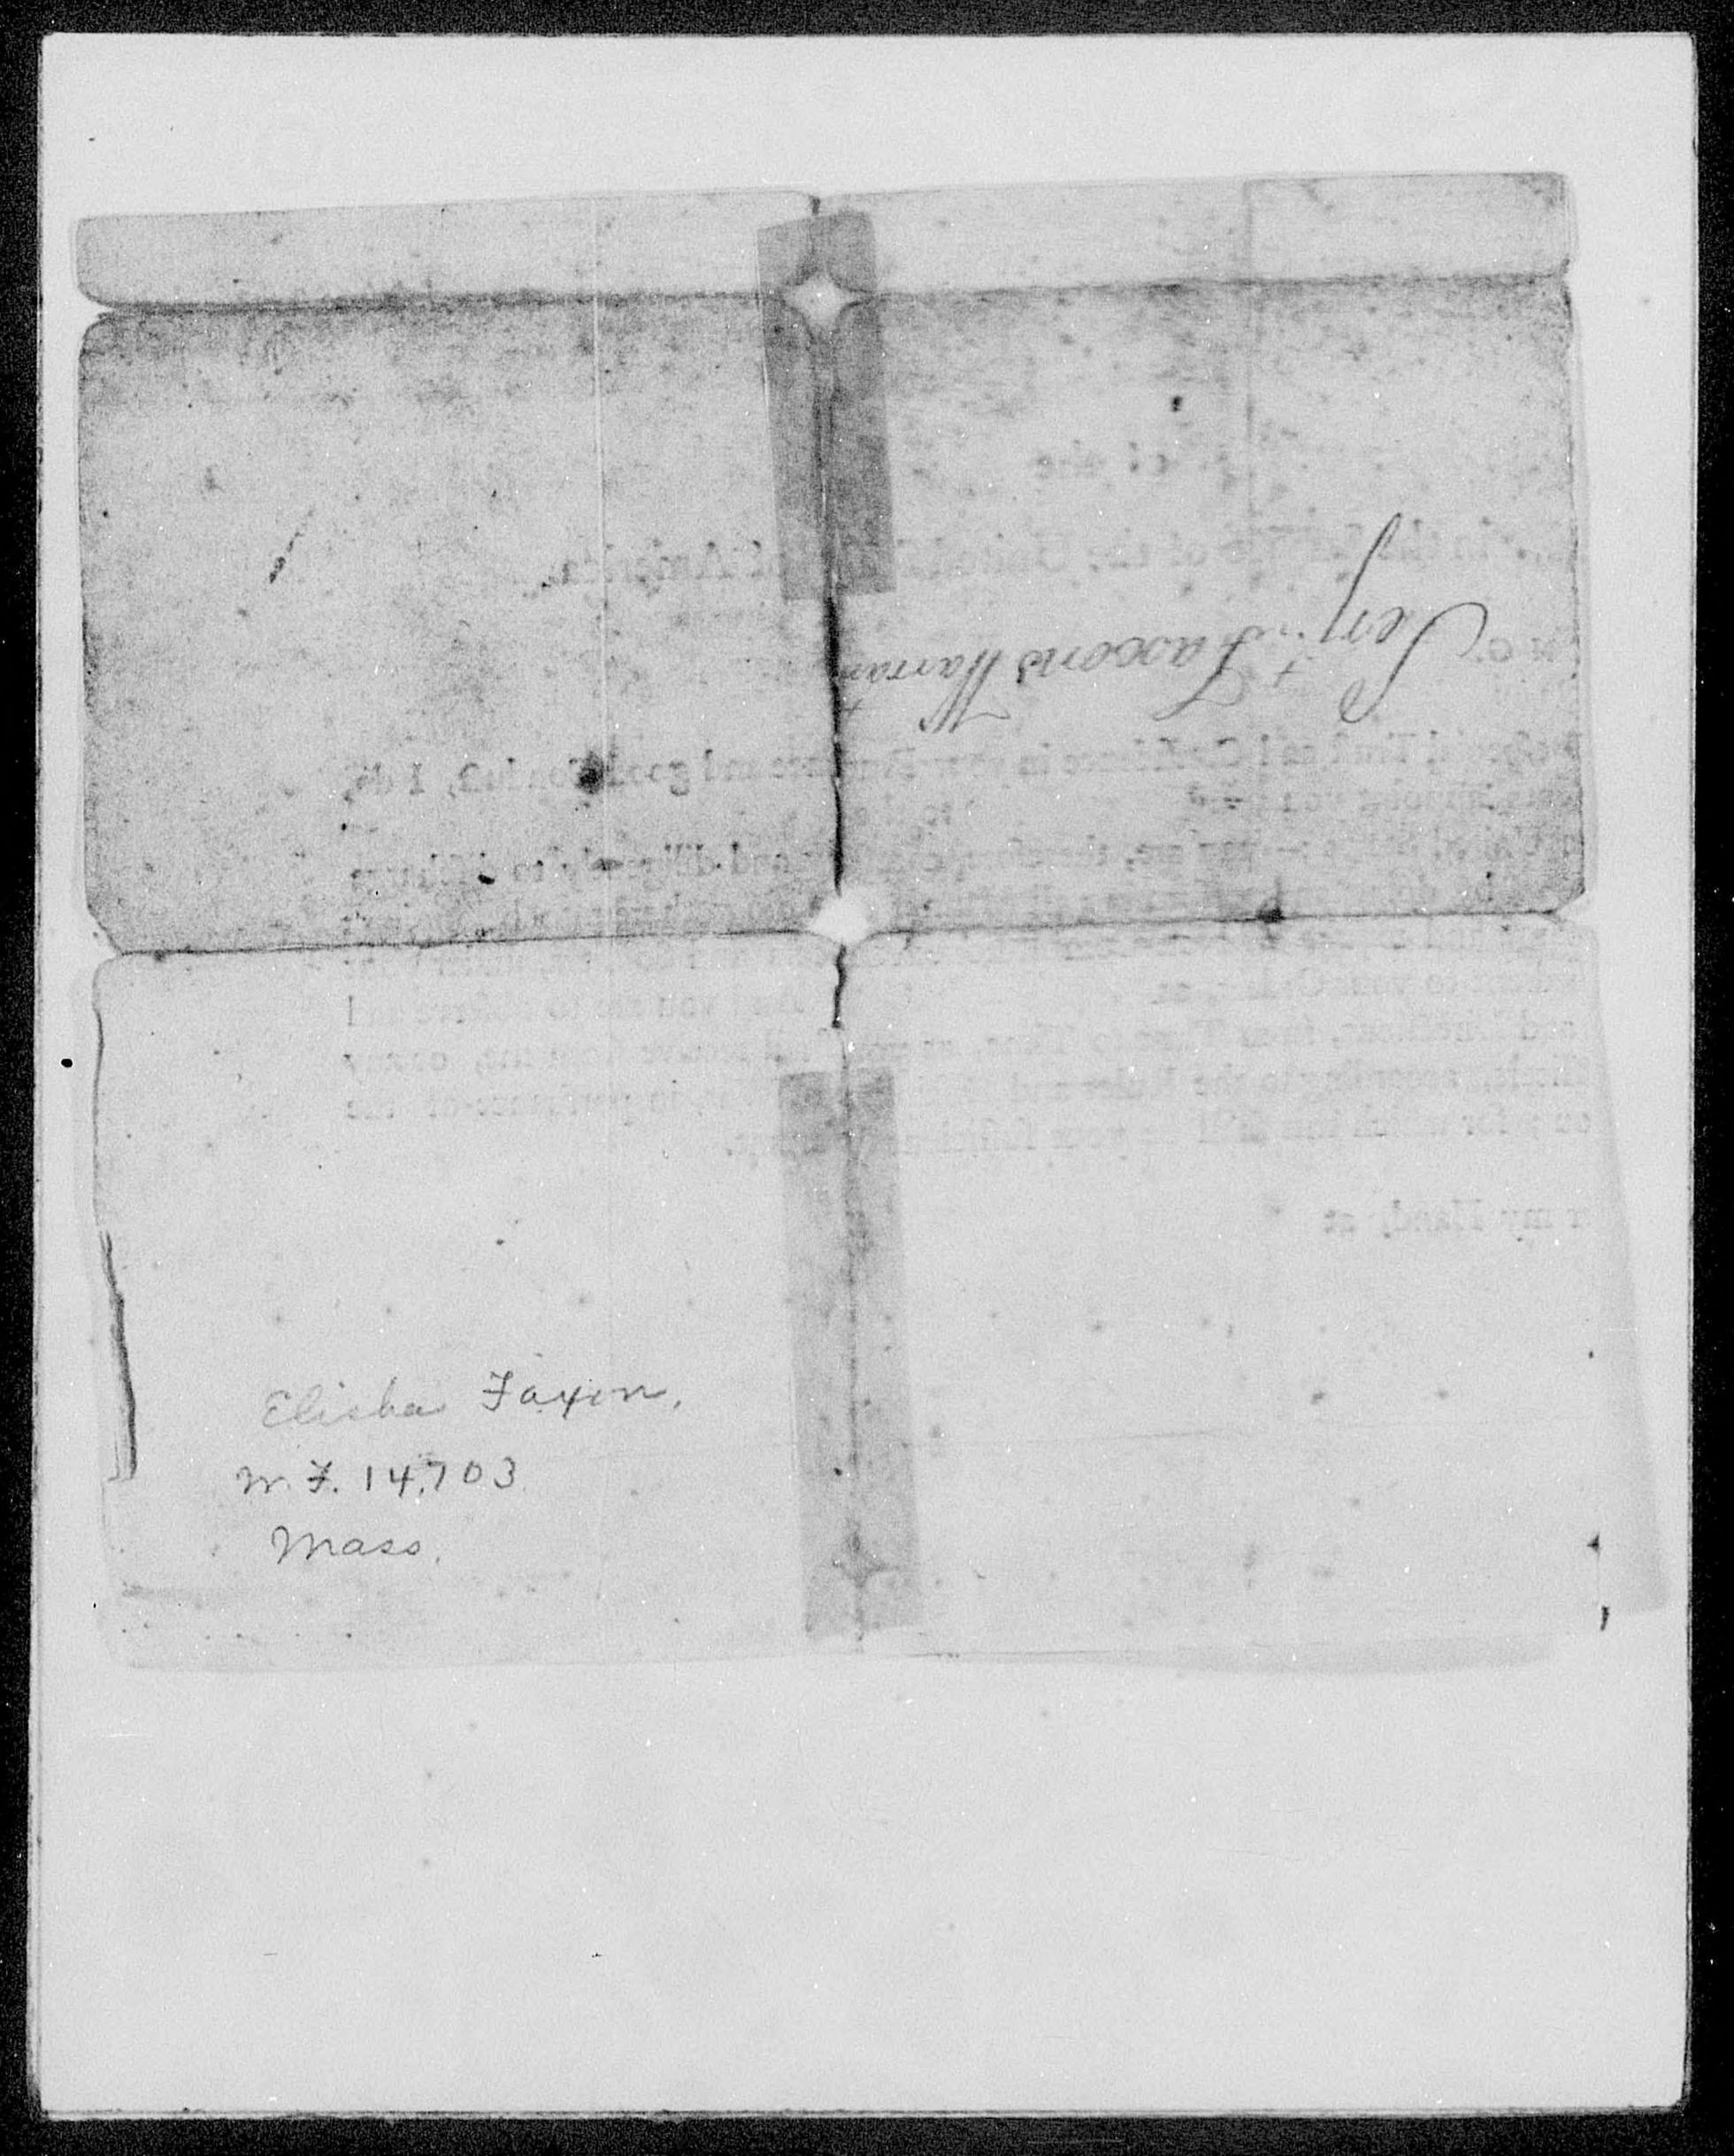Elisha Faxon
W.F. 14703
Mass.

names: Faxon, Elisha Faxon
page: 18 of 47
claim: widow's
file: W. 14703, Elisha Faxon, Mass